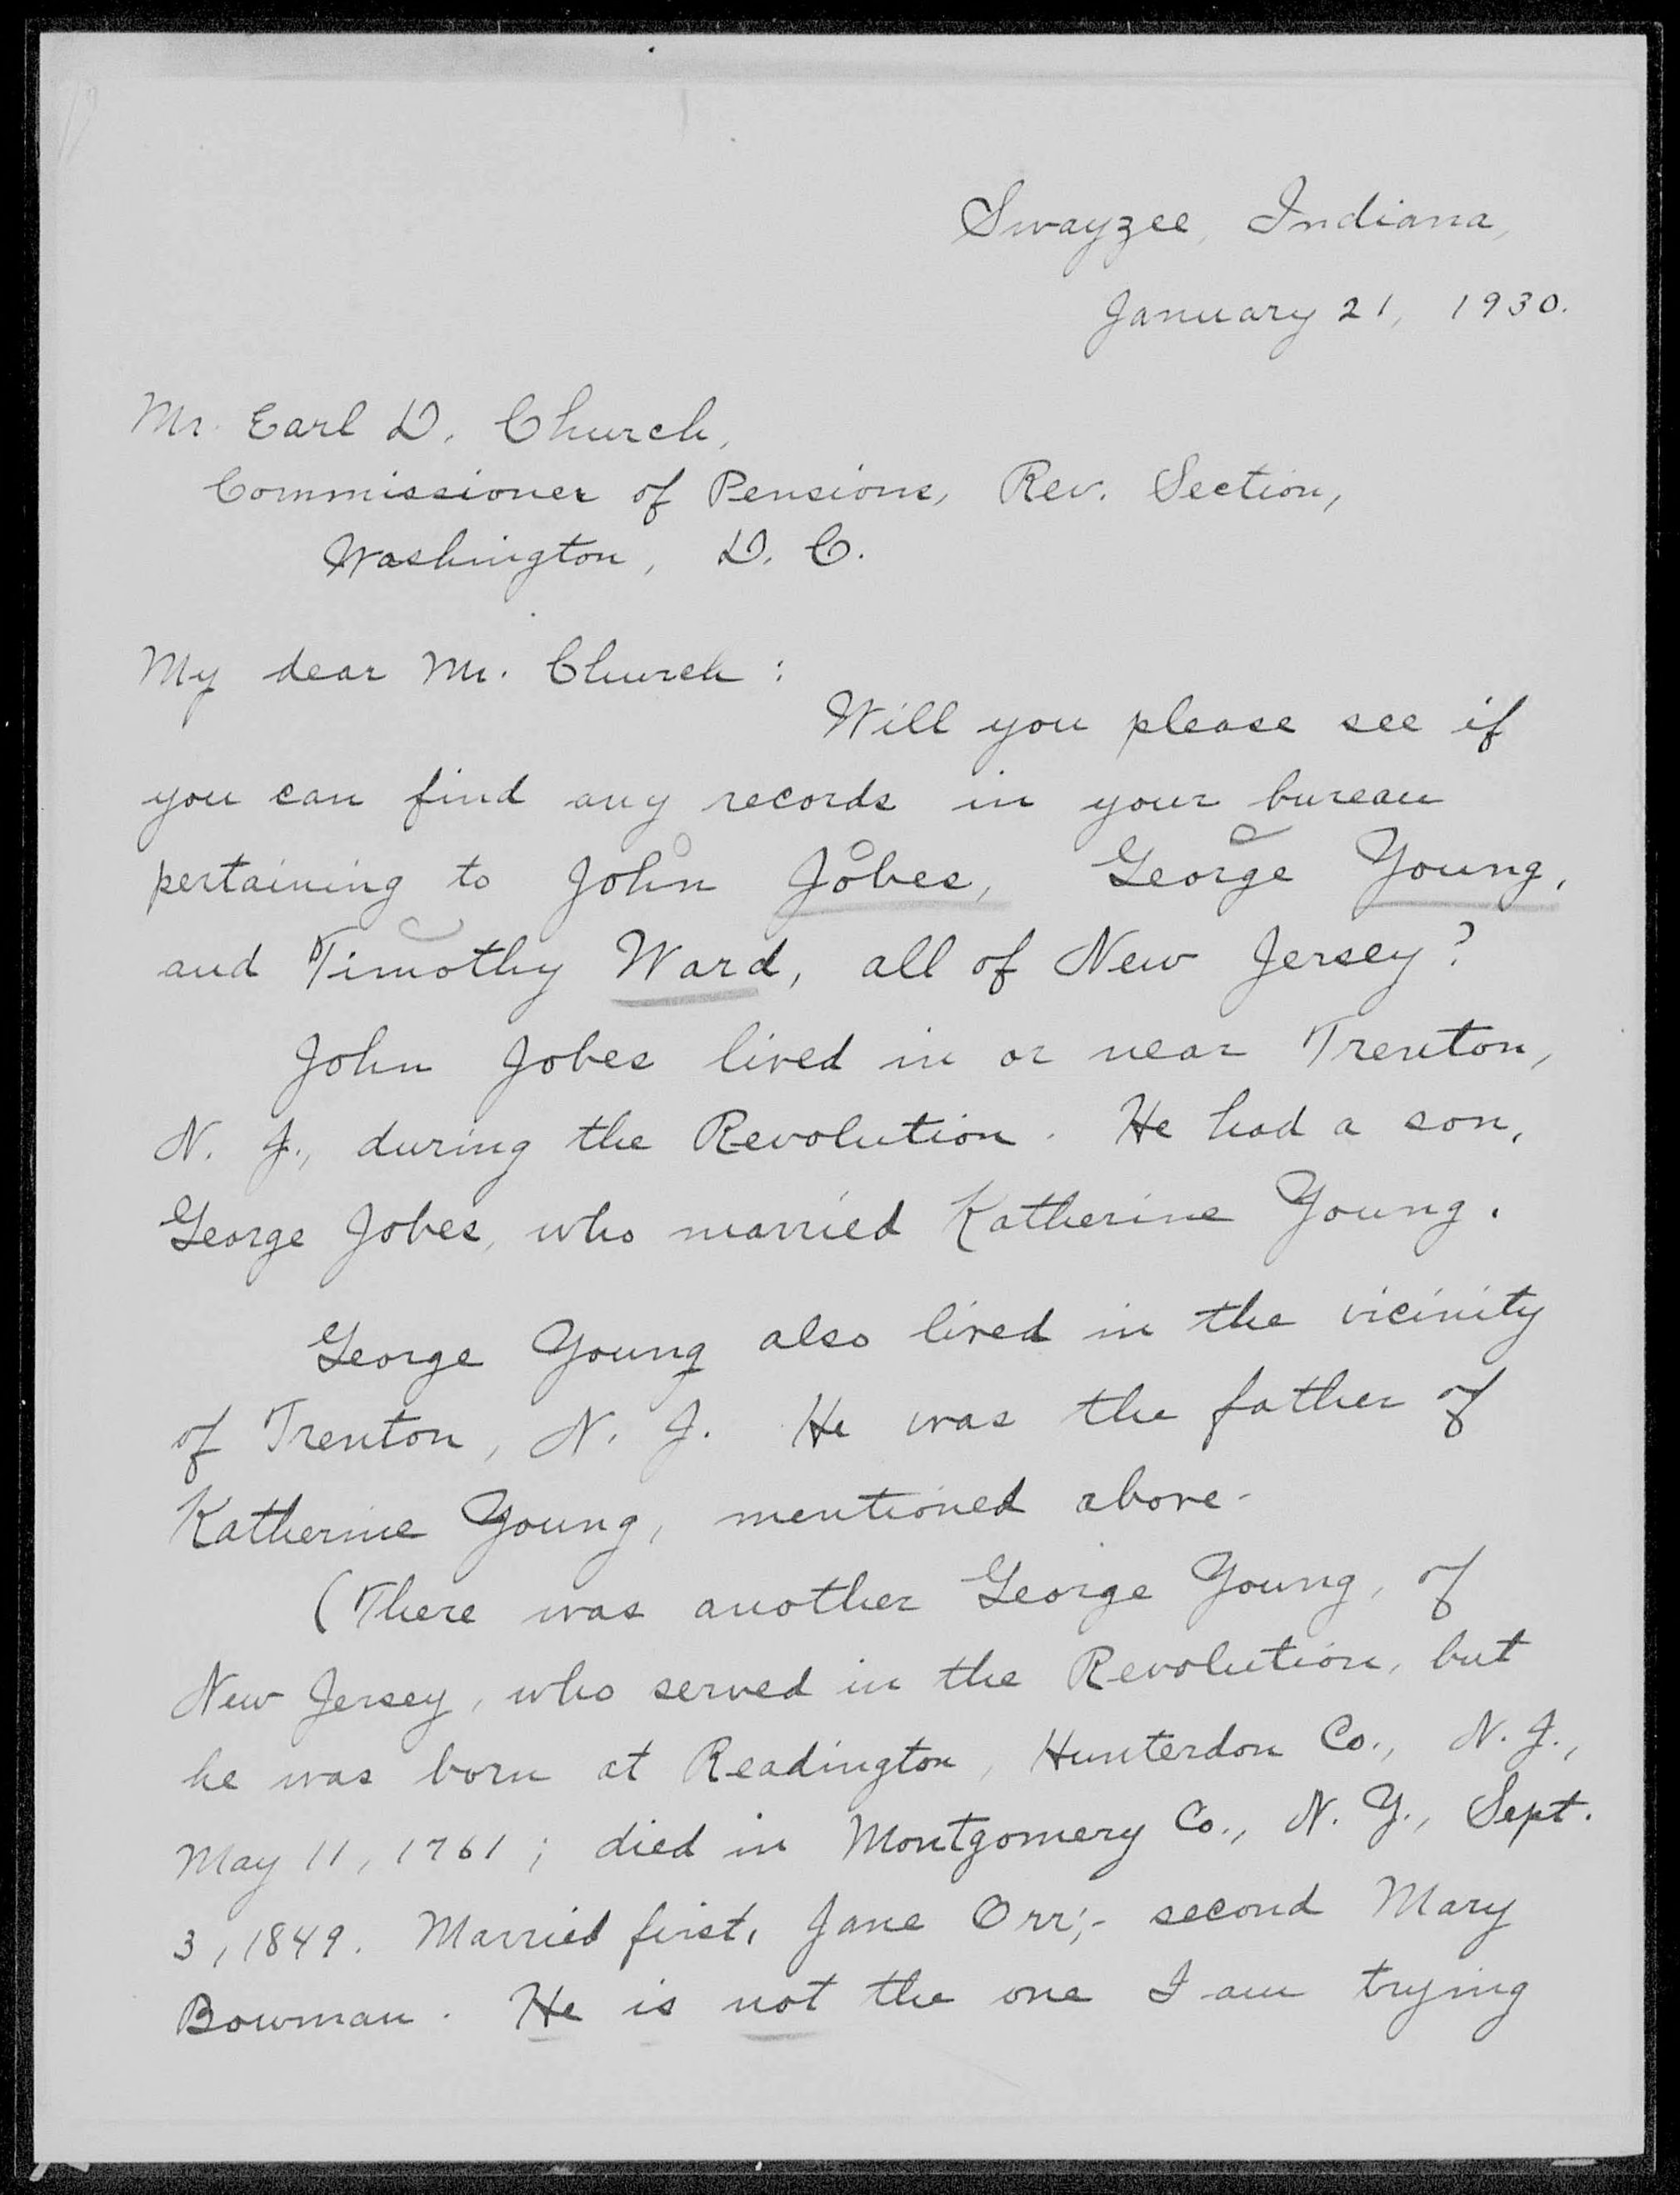Swayzee, Indiana 
January 21, 1930. 

Mr. Earl D. Church 
Commissioner of Pensions, Rev. Section, Washington, D.C.
 
My dear Mr. Church:: 
Will you please see if you can find any records in your bureau pertaining to John Jobes,  George Young, and Timothy Ward, all of New Jersey ?

John Jobes lived in or near Trenton N. J., during the Revolution. He had a son, George Jobes, who married Katherine Young. 

George Young also lived in the vicinity of Trenton, N.J. He was the father of Katherine Young, mentioned above. 

(There was another George Young of New Jersey, who served in the Revolution, but he was born at Readington, Hunterdon Co., N.J. May 11, 1761; died in Montgomery Co. N. Y. Sept 3, 1849. Married first, Jane Orr; second Mary Bowman.  He is not the one I am trying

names: Church, George Jobes, Mary Bowman, John Jobes, Earl D Church, Katherine Young, John Jobes, George Young, George Young, George Young, Katherine Young, Timothy Ward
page: 14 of 24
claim: survivor's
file: S. 17751, Timothy Ward, New Jersey